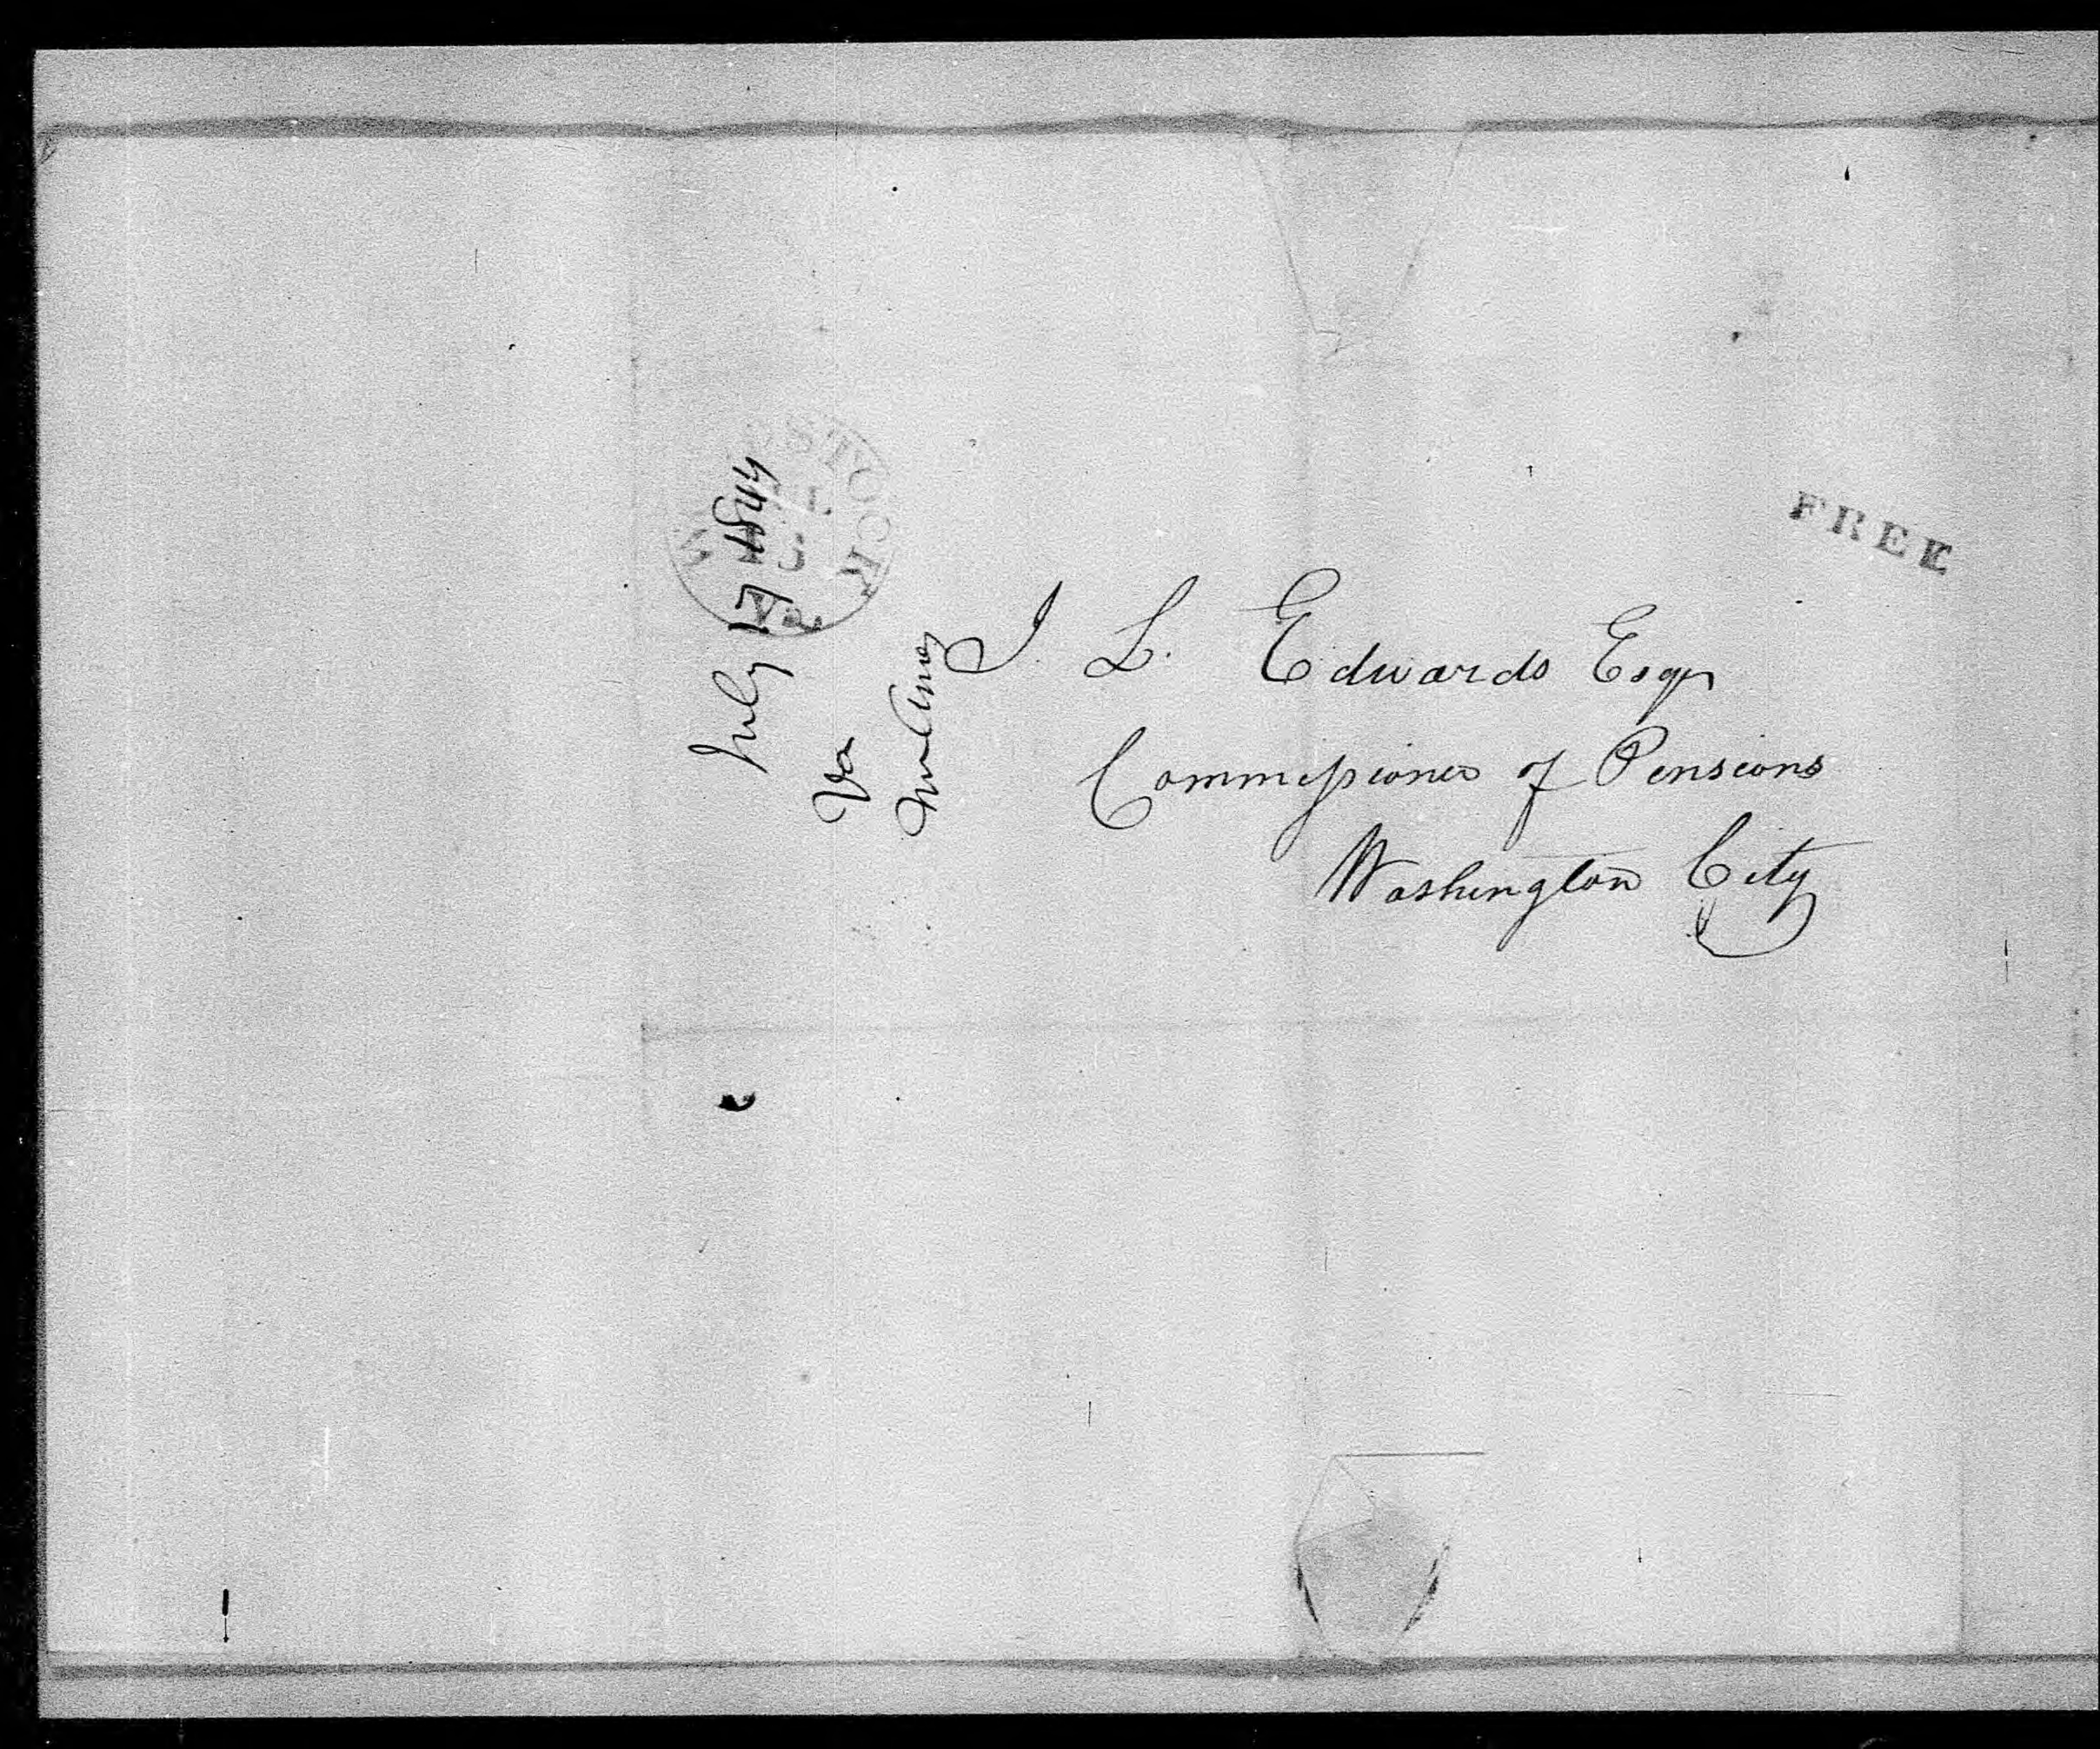[On the left side, perpendicular to the page.]
July 17, 1844.
Va
[illegible]

FREE
J. L. Edwards Esq
Commissioner of Pensions
Washington City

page: 15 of 28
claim: widow's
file: W. 5112, for Samuel Jamieson, Virginia